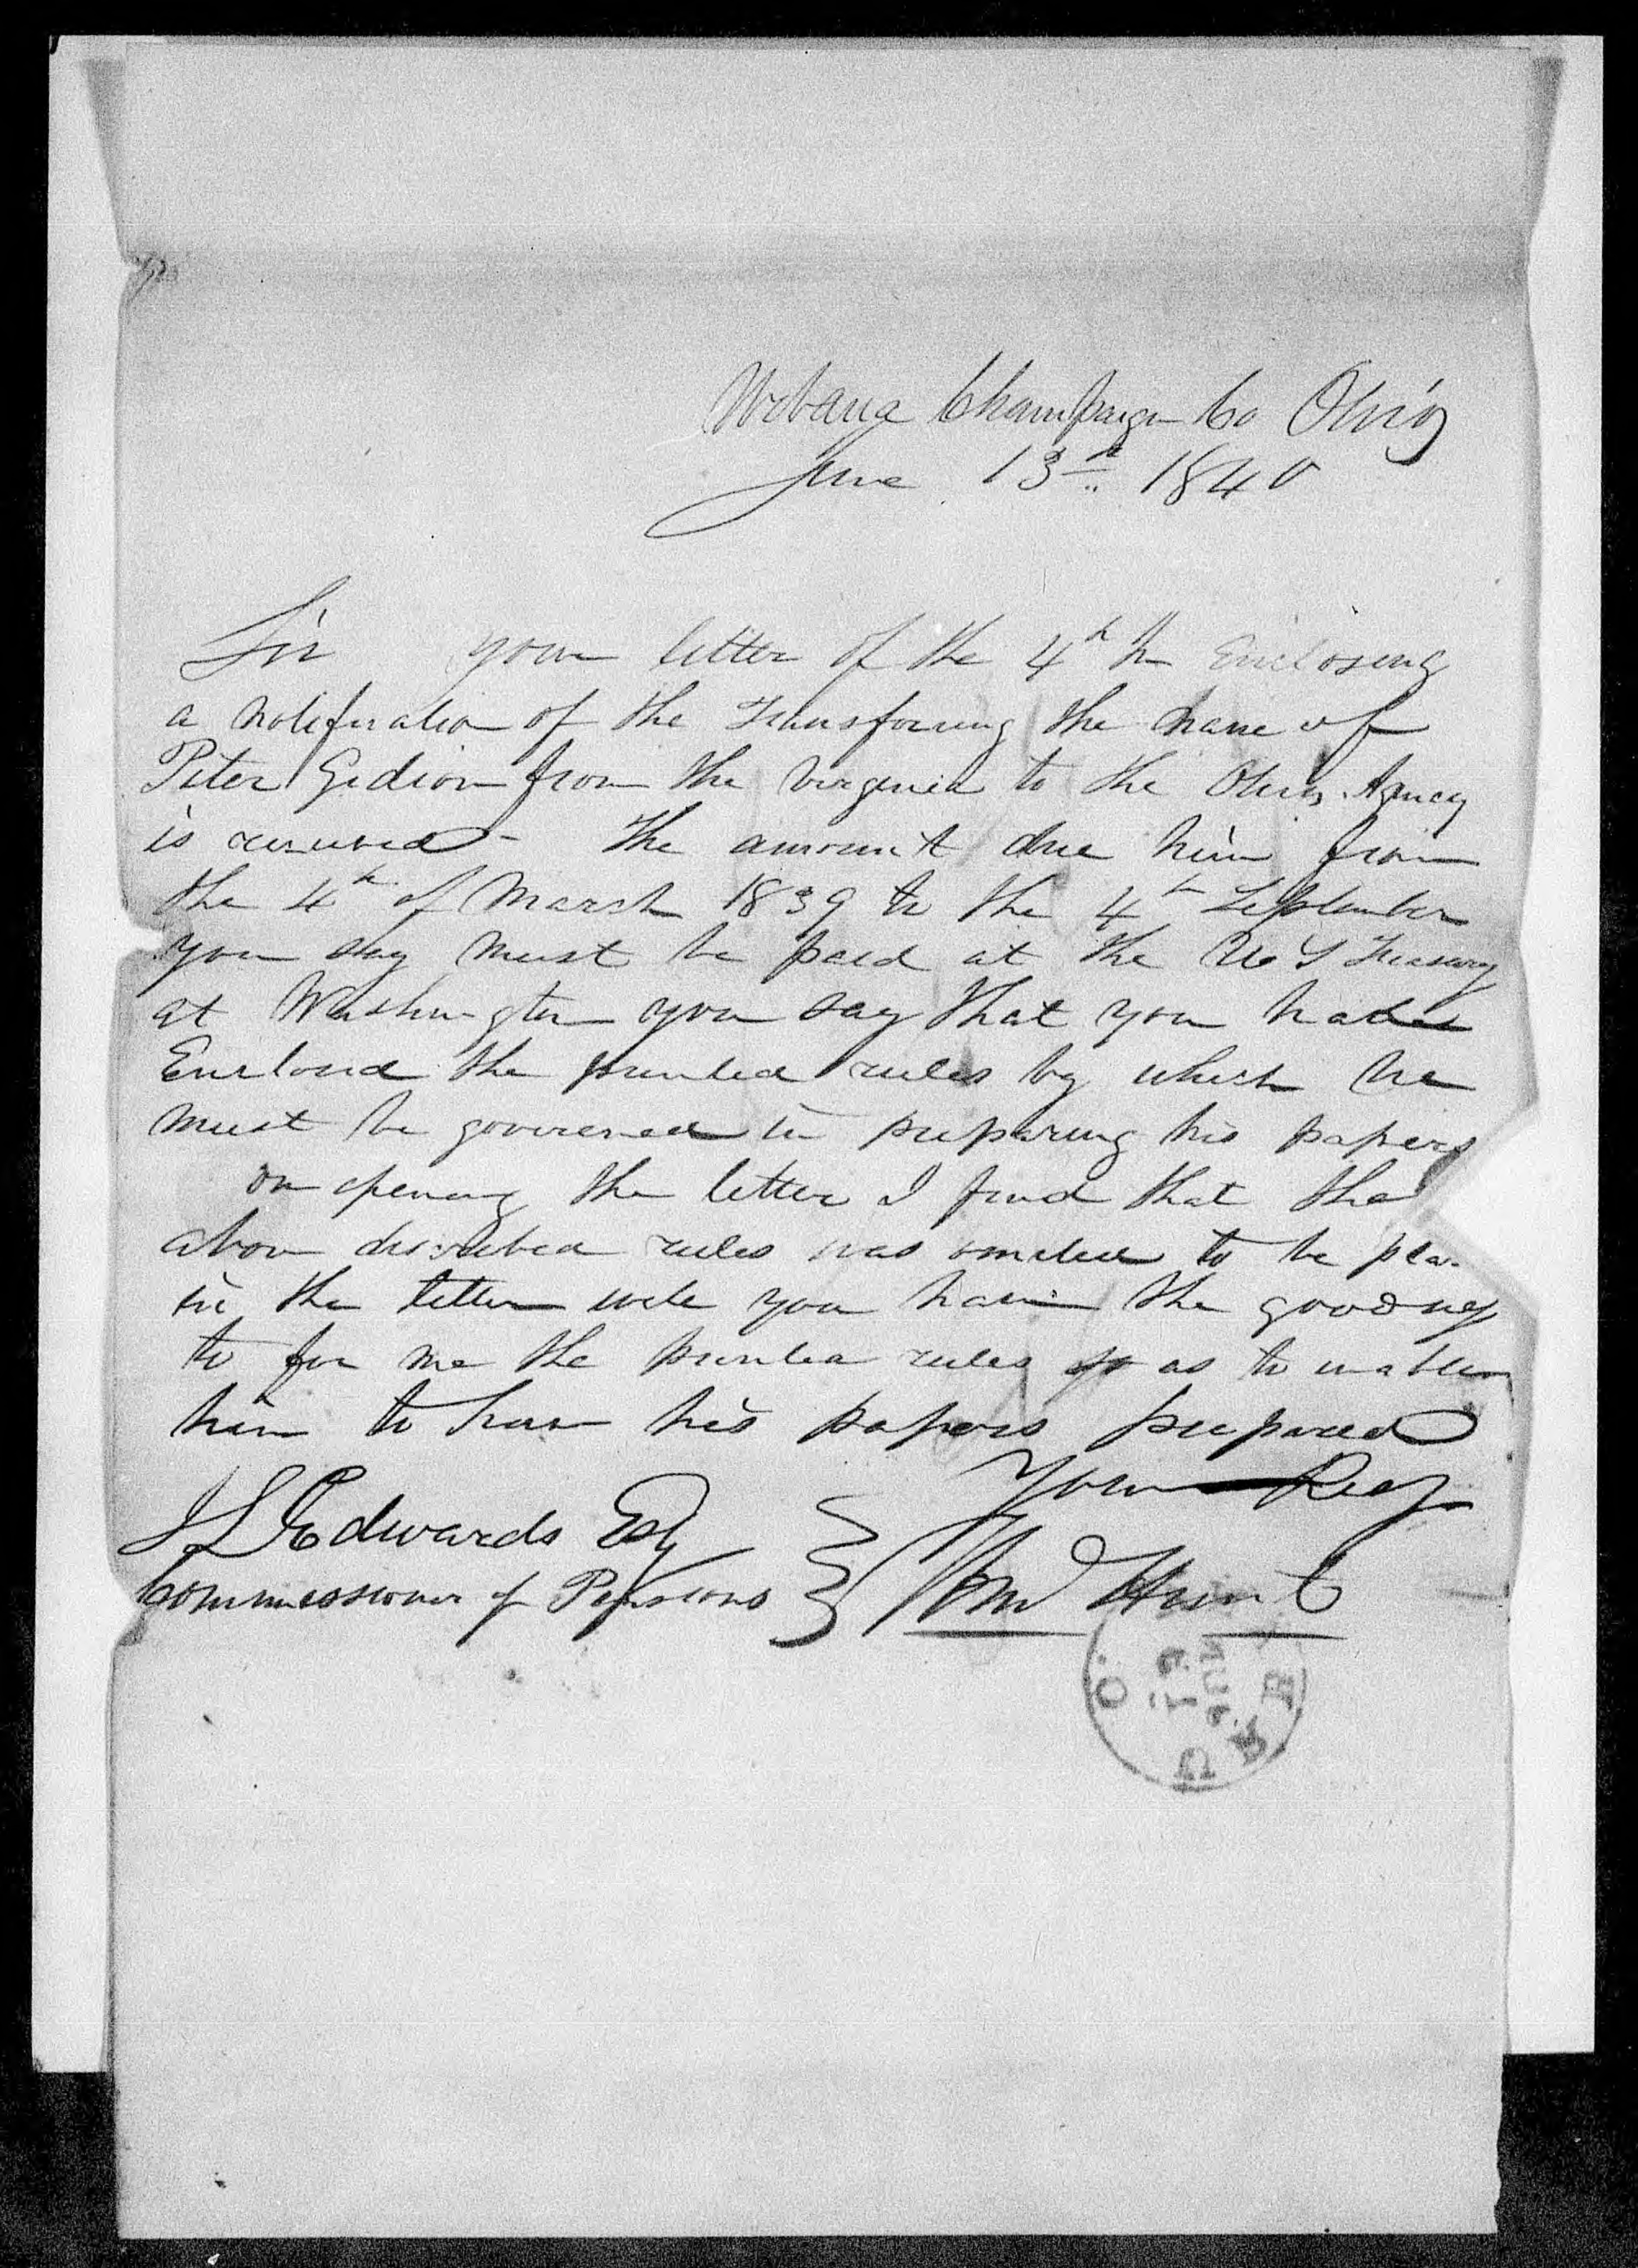Wabana Champaign Co Ohio
June 13th 1840
In your letter of the 4th  Enclosing
a notification of the transferring the name of
Peter Gidion from the Virginia to the Ohio
agency is occurred.

The amount due him
from the 4th of March 1839 to the 4th September you say must be paid at the [illegible] Treasury at Washington you say that you have enclosed the printed rules by which he must be governed in preparing his papers.

On opening the letter I find that the
above described rules was similar to the [pla]
in the letter will you have the goodness
to for me the printed rules as to matter
him to have his papers prepared.
Yours Respectfully,
W, Hunt

JL Edwards Esq
Commissioner of Pensions

[stamp from reverse sideJun 13]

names: J L Edwards, Wm Hunt, Peter Gideon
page: 29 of 64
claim: survivor's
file: S. 6887, Peter Gideon, Md.